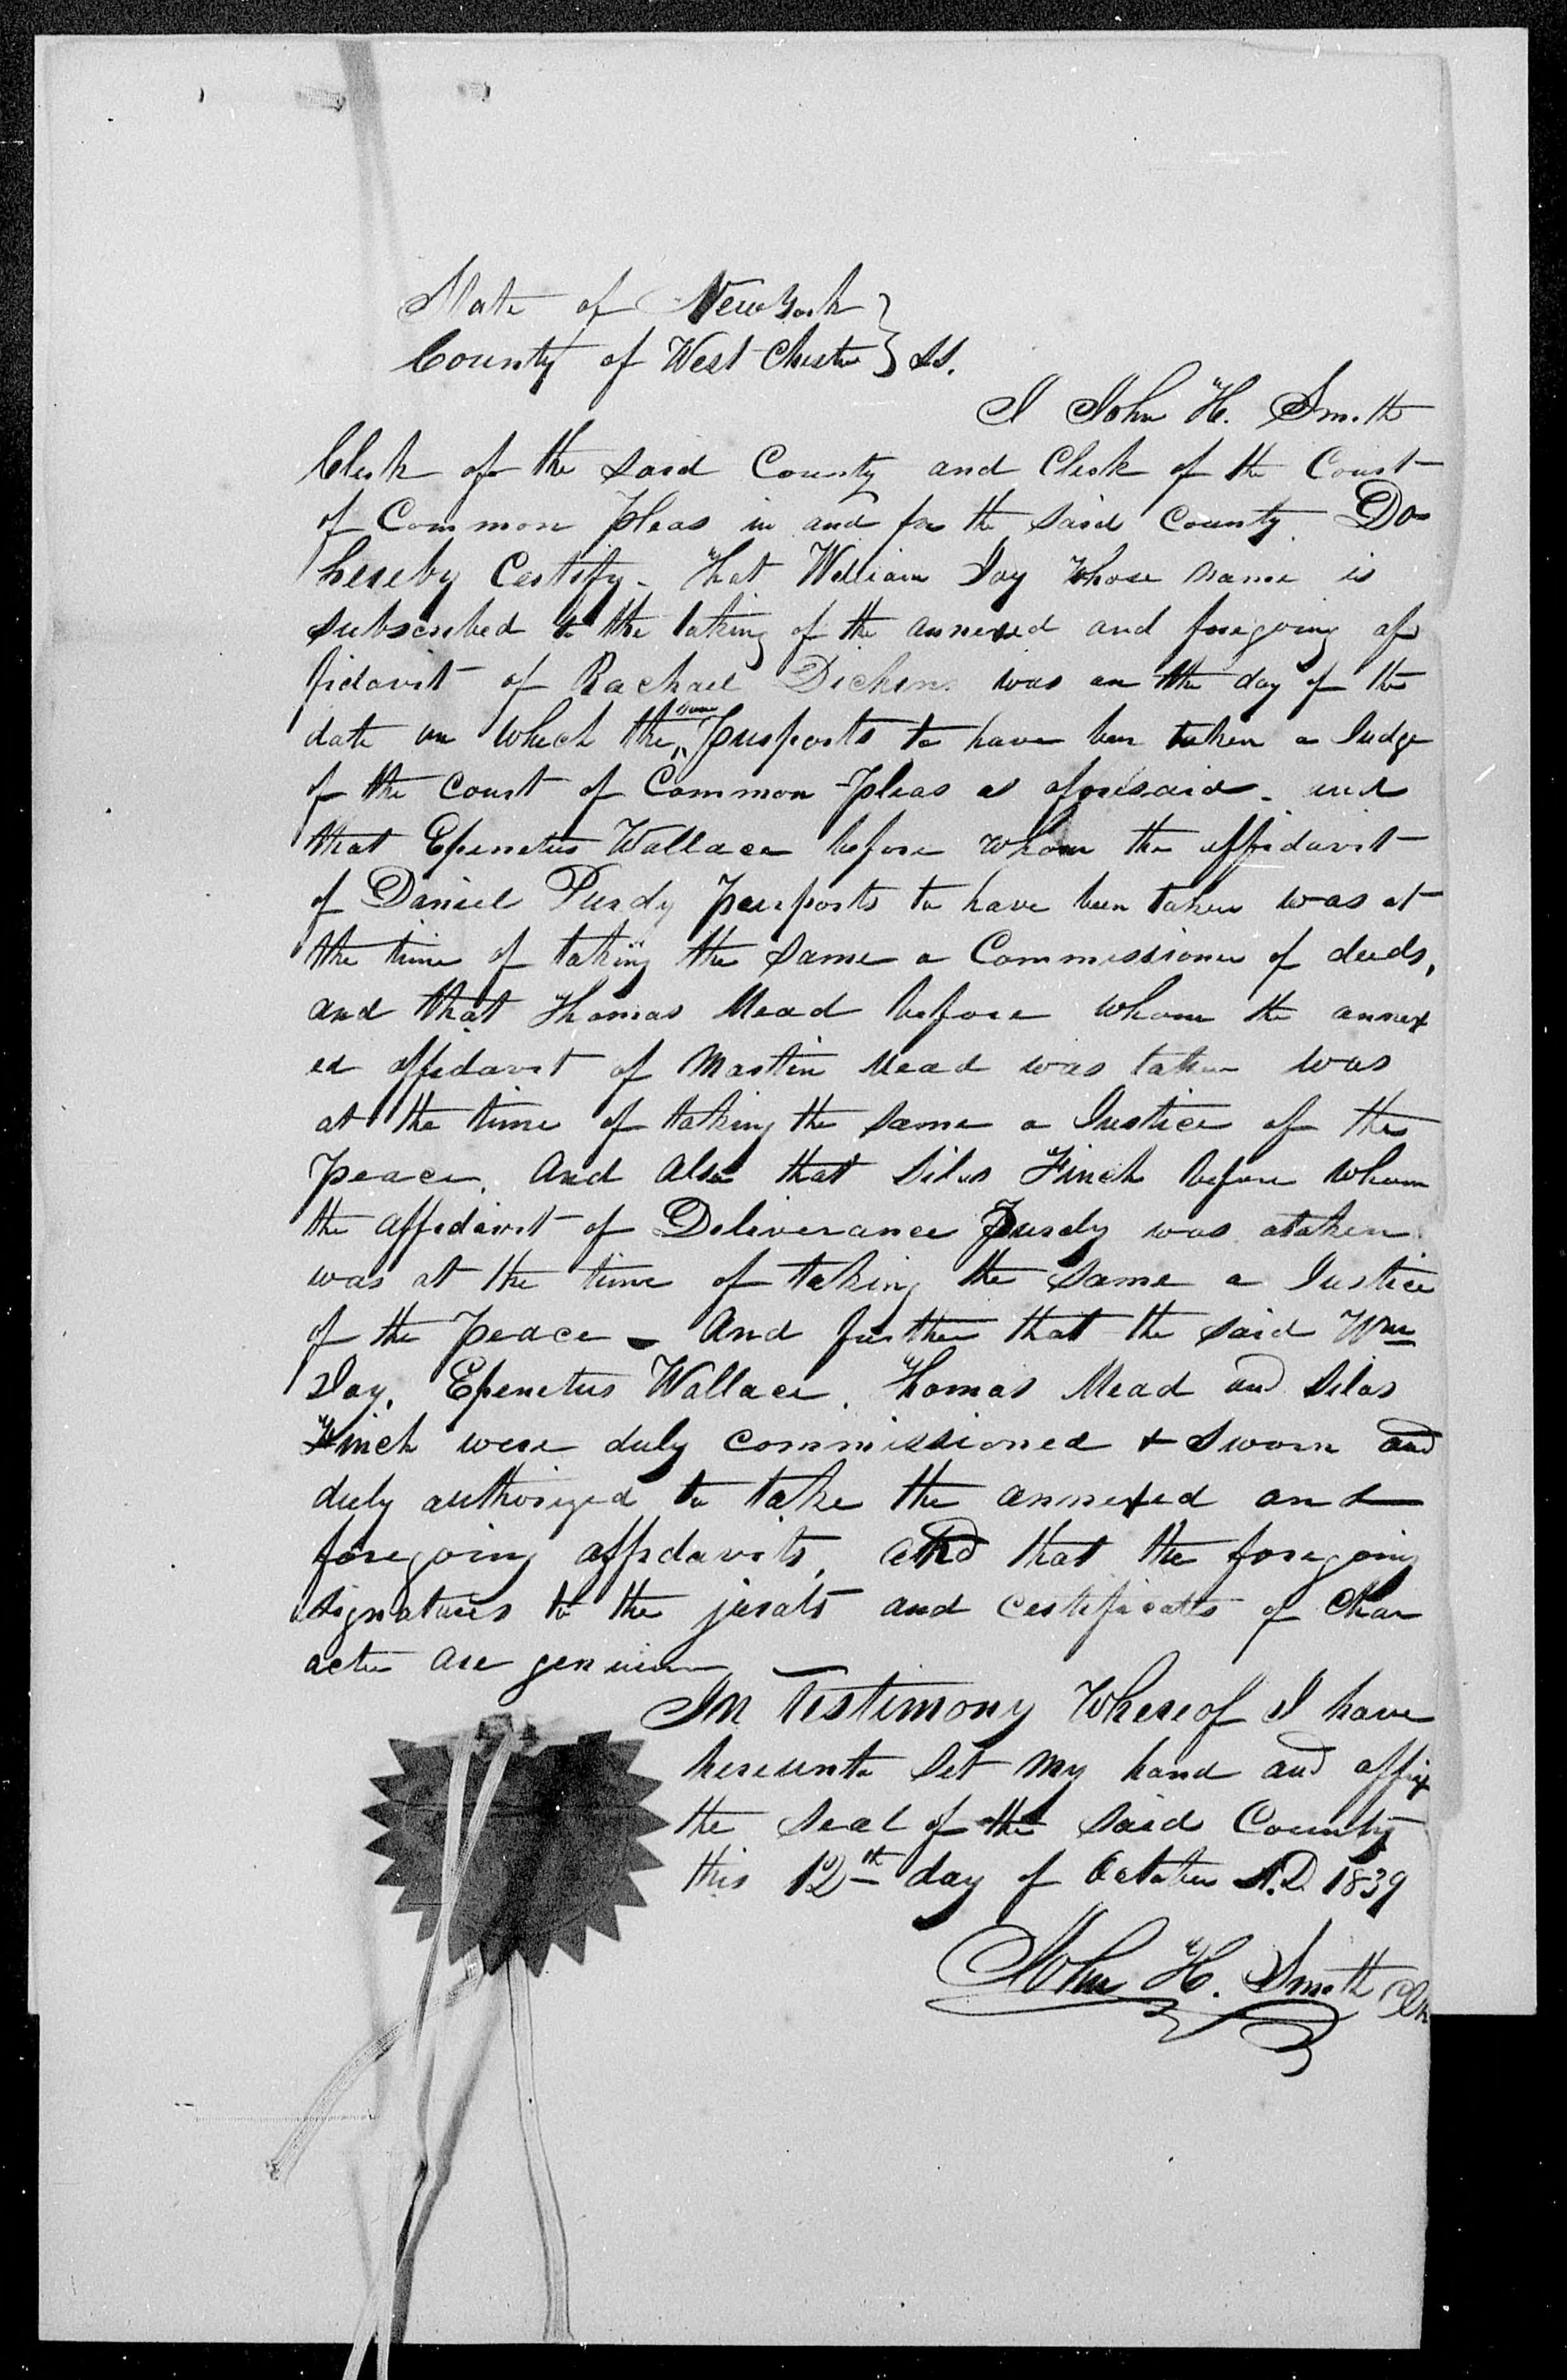State of New York}
County of West Chester}  SS.

I John H. Smith Clerk of the said County and Clerk of the Court of Common pleas in and for the said County.  Do hereby Certify - That William Jay whose name is subscribed to the taking of the annexed and foregoing affidavit of Rachael Dickens was on the day of the date in which the ^same purports to have been taken as Judge of the Court of Commpn pleas as aforesaid - and that Epenetus Wallace before whom the affidavit of Daniel Purdy purports to have been taken was at the time of taking the same a Commissioner of deeds, and that Thomas Mead before whom the annexed affidavit of Martin Mead was taken was at the time of taking the same a Justice of the peace.  And also that Silas Finch before whom the affidavit of Deliverance Purdy was ataken [sic] was at the time of taking the same a Justice of the peace - And further that the said Wm. Jay, Epenetus Wallace, Thomas Mead and Silas Finch were duly commissioned & sworn and duly authorized to take the annexed and foregoing affidavits, and that the foregoing signatures to the jurats and Certificates of Character are genuine—
In testimony whereof I have herunto set my hand and affixed the seal of the said County this 12th day of October A. D. 1839
John H. Smith Clk

Note:  There is an imprint of a seal which has been blacked out.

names: Thomas Mead, John H Smith, Silas Finch, Epenetus Wallace, Daniel Purdy, Silas Finch, Epenetus Wallace, Rachael Dicken, William Jay, Thomas Mead, Wm Jay, John H Smith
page: 20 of 29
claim: widow's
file: W. 17720, Arnold Dickens, New York